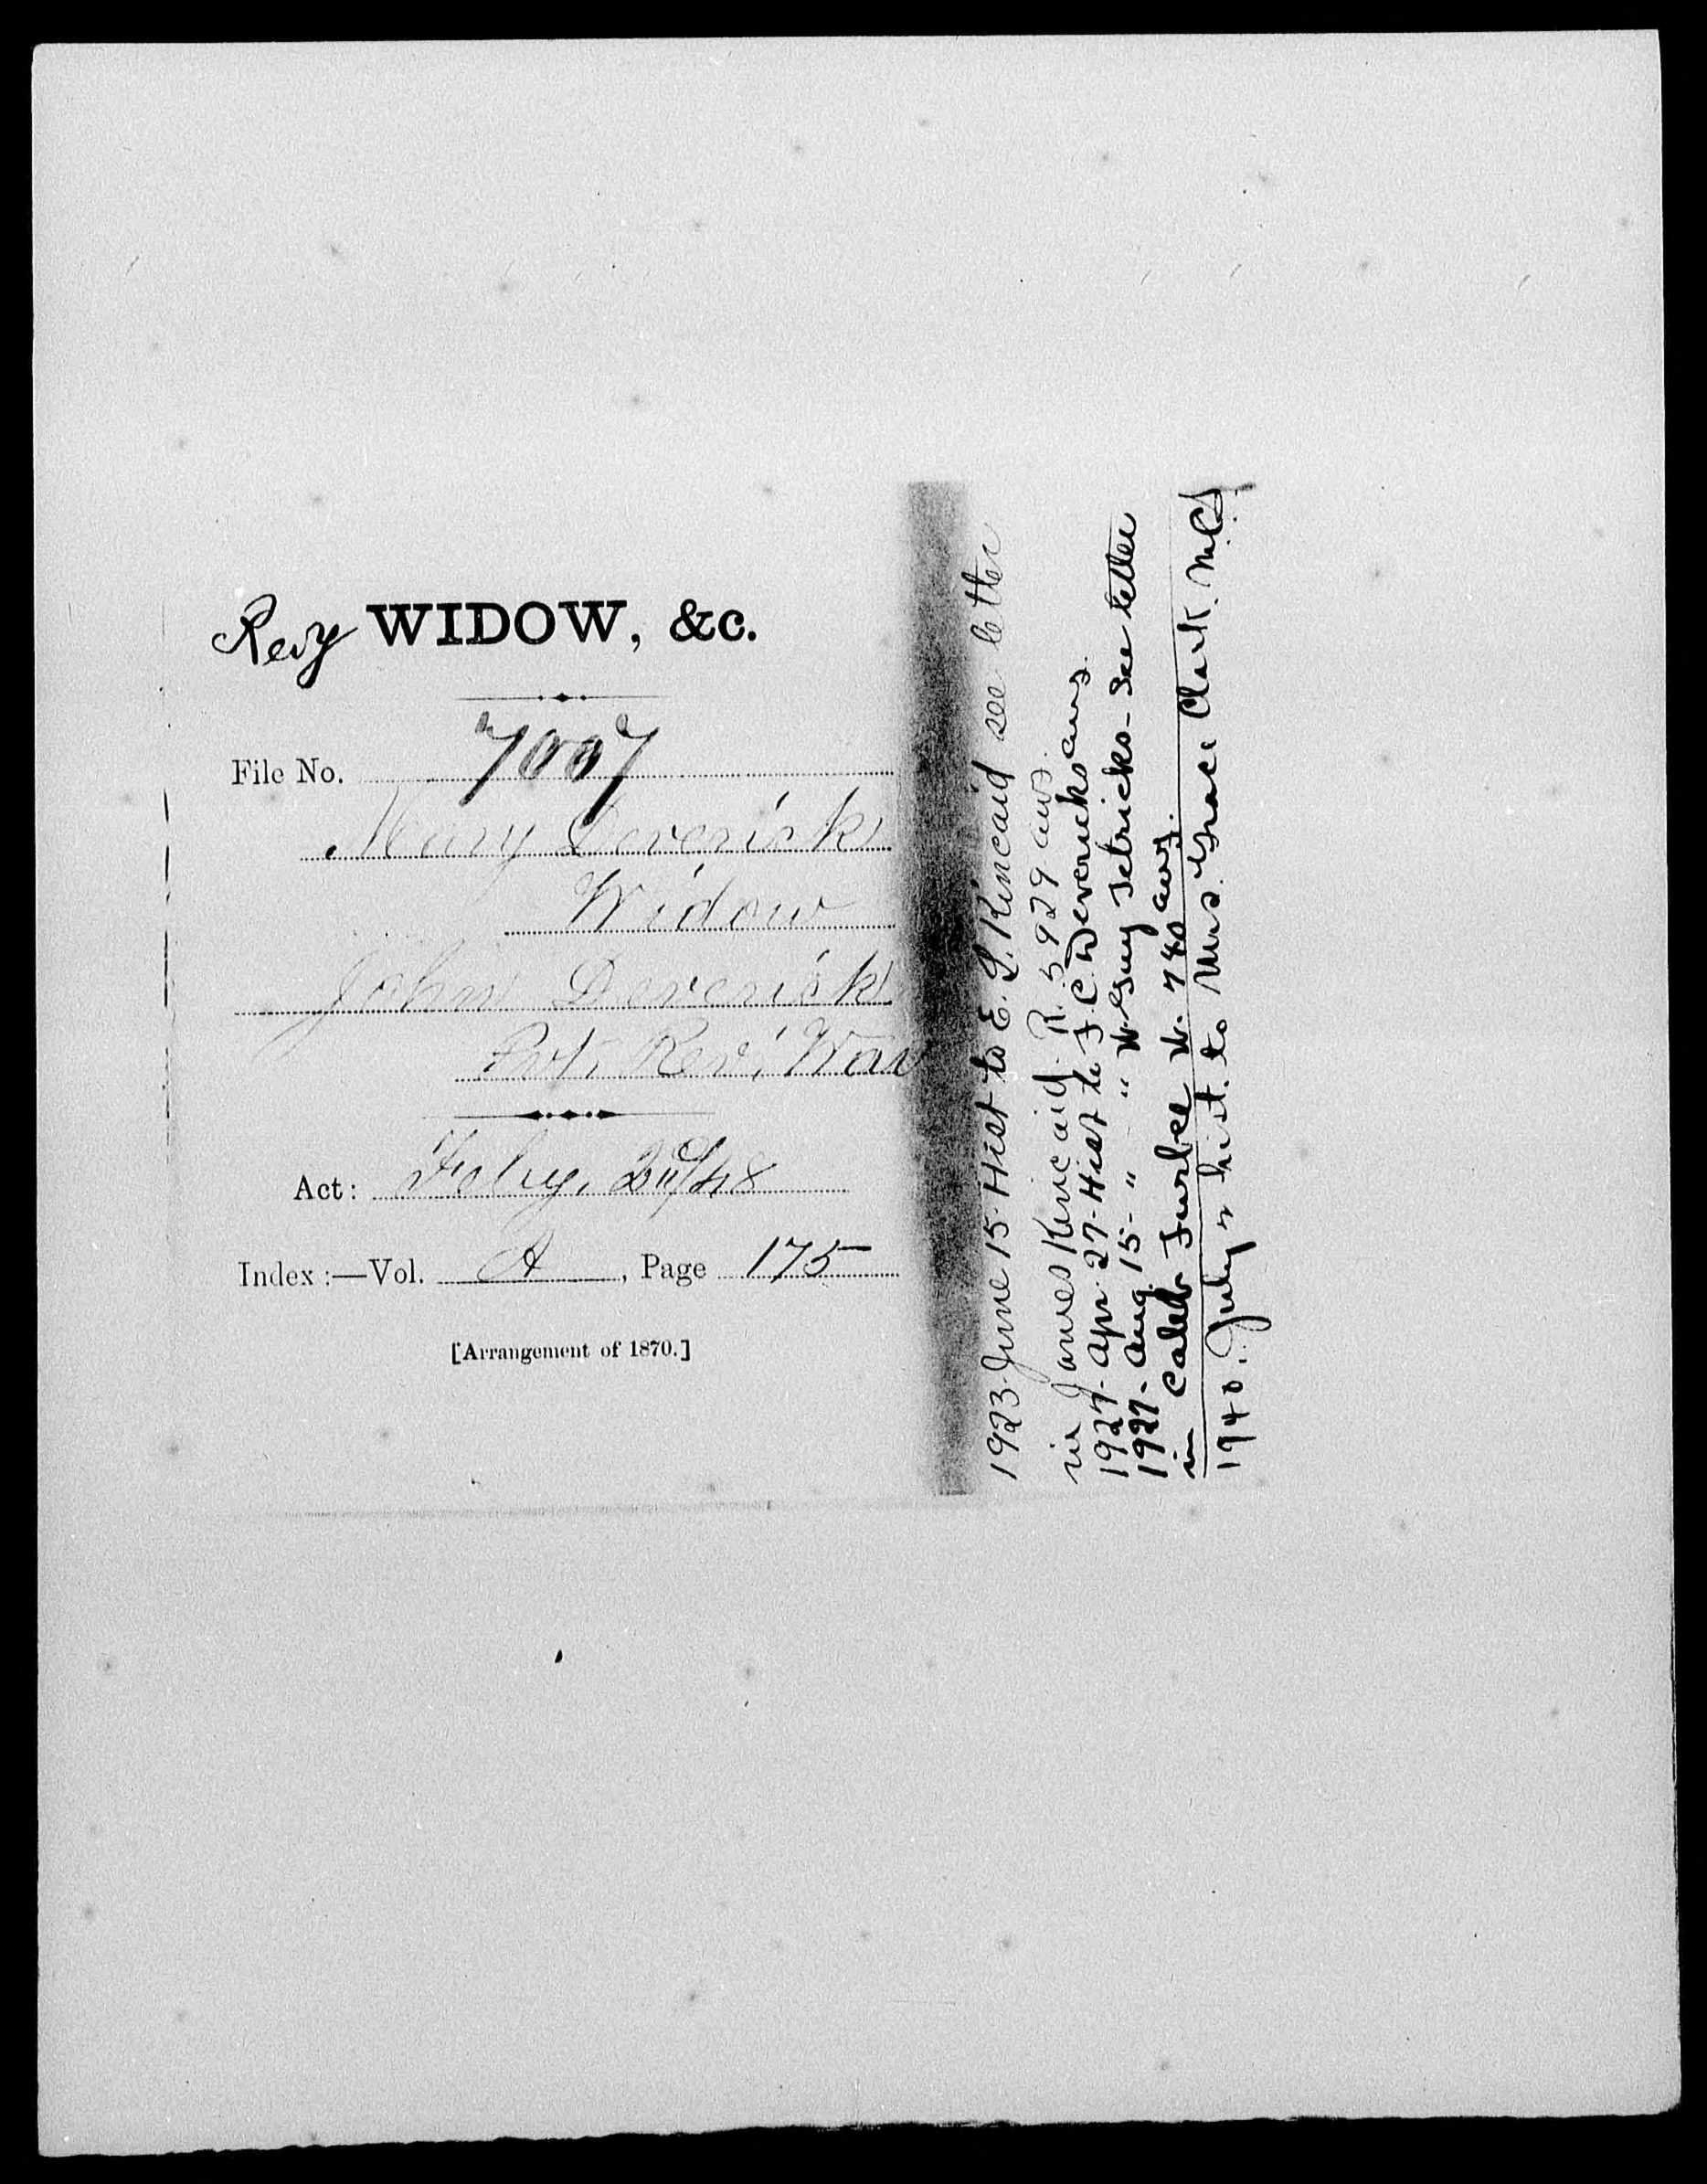[illegible] Widow, &c.

File No. 7007
Mary Deverick
Widow
John Deverick
Pvt. Rev. W[illegible]

Act: [illegible] [illegible]
Index: -- Vol. A[?], Page 175
[Arrangement of 1870.]

[the following is written sideways]
1923 June 15 Hist to E. L. Kincaid see letter in James Kincaid R. 5929 [illegible] 
1927 Apr. 27- Hist to F. C. Devericks [illegible] 
1927 Aug. 15- " " W. Guy Tetricks - See letter in caledr [illegible] W. 740 [illegible]
1940 July first to Mrs Grace Clark.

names: E J Kincaid, W Guy Tetricks, Mary Deverick, John Deverick, Grace Clark, James Kincaid, F C Devericks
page: 21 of 35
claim: widow's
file: W 7007, John Devericks, Va.